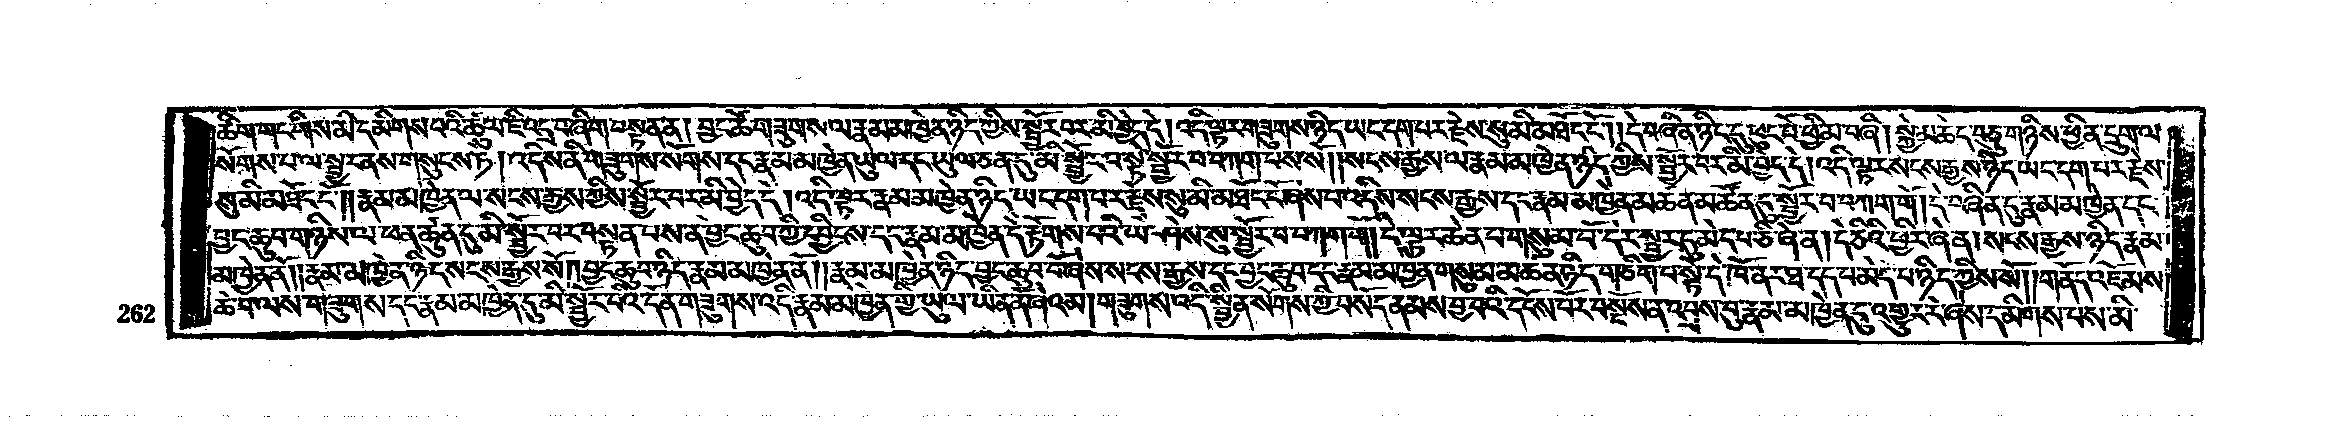ཚིག་གང་གིས་མི་དམིགས་པའི་ཚུལ་ཇི་འདྲ་བ་ཞིག་བསྟན་ན། བྱང་ཚེ་གཟུགས་ལ་རྣམ་མཁྱེན་ཉིད་ཀྱིས་སྦྱོར་བར་མི་བྱེད་དེ། འདི་ལྟར་གཟུགས་ཉིད་ཡང་དག་པར་རྗེས་སུ་མི་མཐོང་ངོ། །དེ་བཞིན་ཉིད་དུ་ཕུང་པོ་ཕྱི་མ་བཞི། སྐྱེ་མཆེད་བཅུ་གཉིས་ཕྱིན་དྲུག་ལ་
སོགས་པ་ལ་སྦྱར་ནས་གསུངས་ཏེ། འདིས་ནི་གཟུགས་སོགས་དང་རྣམ་མཁྱེན་ཡུལ་དང་ཡུལ་ཅན་དུ་མི་སྦྱོར་བ་སྟེ་སྦྱོར་བ་བཀག་པས་སོ། །སངས་རྒྱས་ལ་རྣམ་མཁྱེན་ཉིད་ཀྱིས་སྦྱོར་བར་མི་བྱེད་དེ། འདི་ལྟར་སངས་རྒྱས་ཉིད་ཡང་དག་པར་རྗེས་
སུ་མི་མཐོང་ངོ། །རྣམ་མཁྱེན་ལ་སངས་རྒྱས་ཀྱིས་སྦྱོར་བར་མི་བྱེད་དེ། འདི་ལྟར་རྣམ་མཁྱེན་ཉིད་ཡང་དག་པར་རྗེས་སུ་མི་མཐོང་ངོ་ཞེས་པ་འདིས་སངས་རྒྱས་དང་རྣམ་མཁྱེན་མཚན་མཚོན་དུ་སྦྱོར་བ་བཀག་གོ། དེ་བཞིན་དུ་རྣམ་མཁྱེན་དང་།
བྱང་ཆུབ་གཉིས་ལ་ཕན་ཚུན་དུ་མི་སྦྱོར་བར་བསྟན་པས་ནི་བྱང་ཆུབ་ཀྱི་དབྱིངས་དང་རྣམ་མཁྱེན་དེ་རྟོགས་པའི་ཡེ་ཤེས་སུ་སྦྱོར་བ་བཀག་གོ །དེ་ལྟར་ཚན་པ་གསུམ་པོ་དེར་སྦྱར་དུ་མེད་པ་ཅི་ཞེ་ན། དེ་ཅིའི་ཕྱིར་ཞེ་ན། སངས་རྒྱས་ཉིད་རྣམ་
མཁྱེན་ནོ། །རྣམ་མཁྱེན་ཉིད་སངས་རྒྱས་སོ། །བྱང་ཆུབ་ཉིད་རྣམ་མཁྱེན་ནོ། །རྣམ་མཁྱེན་ཉིད་བྱང་ཆུབ་བོ་ཞེས་སངས་རྒྱས་དང་བྱང་ཆུབ་དང་རྣམ་མཁྱེན་གསུམ་མཚན་ཉིད་གཅིག་པ་སྟེ་དེ་ཁོ་ནར་ཐ་དད་པ་མེད་པ་ཉིད་ཀྱིས་སོ། །གནོད་འཇོམས་
ཆེ་བ་ལས་གཟུགས་དང་རྣམ་མཁྱེན་དུ་མི་སྦྱོར་བའི་དོན་གཟུགས་འདི་རྣམ་མཁྱེན་གྱི་ཡུལ་ཡིན་ནོ་ཞེའམ། གཟུགས་འདི་སྦྱིན་སོགས་ཀྱི་བསོད་ནམས་བྱ་བའི་དངོས་པོར་བསྔོས་ན་འབྲས་བུ་རྣམ་མཁྱེན་དུ་འགྱུར་རོ་ཞེས་དམིགས་པས་མི་